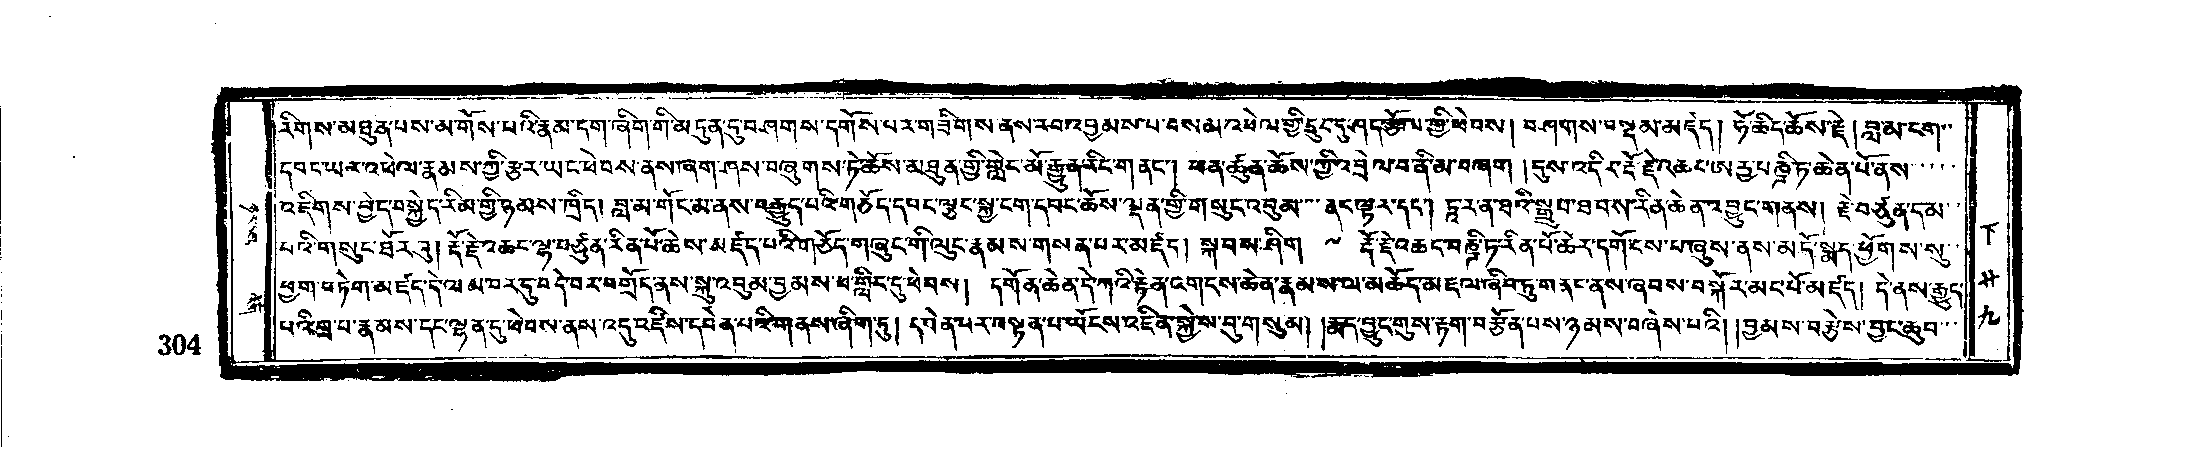རིགས་མཐུན་པས་མ་གོས་པའི་རྣམ་དག་ཞིག་གི་མདུན་དུ་བཤགས་དགོས་པར་གཟིགས་ནས་རབ་འབྱམས་པ་བསམ་འཕེལ་གྱི་དྲུང་དུ་ཤད་རྩོལ་གྱི་ཕེབས། བཤགས་བསྡམ་མཛད། ཧོ་ཆིད་ཆོས་རྗེ། བླ་མ་ངག་
དབང་ཡར་འཕེལ་རྣམས་ཀྱི་རྩར་ཡང་ཕེབས་ནས་ཞག་ཤས་བཞུགས་ཏེ་ཆོས་མཐུན་གྱི་གླེང་མོ་རྒྱུན་རིང་གནང་། ཕན་ཚུན་ཆོས་ཀྱི་འབྲེལ་བ་ནི་མ་བཞག །དུས་འདིར་རྡོ་རྗེ་འཆང་ཨརྱ་པཎྜི་ཏ་ཆེན་པོ་ནས་
འཇིགས་བྱེད་བསྐྱེད་རིམ་གྱི་ཉམས་ཁྲིད། བླ་མ་གོང་མ་ནས་བརྒྱུད་པའི་གཅོད་དབང་ལྕང་སྐྱ་ངག་དབང་ཆོས་ལྡན་གྱི་གསུང་འབུམ་ནང་ལྟར་དང་། ཏཱ་ར་ན་ཐའི་སྒྲུབ་ཐབས་རིན་ཆེན་འབྱུང་གནས། རྗེ་བཙུན་དམ་
པའི་གསུང་ཐོར་བུ། རྡོ་རྗེ་འཆང་ལྷ་བཙུན་རིན་པོ་ཆེས་མཛད་པའི་གཅོད་གཞུང་གི་ལུང་རྣམས་གསན་པར་མཛད། སྐབས་ཤིག ༧་རྡོ་རྗེ་འཆང་པཎྜི་ཏ་རིན་པོ་ཆེར་དགོངས་པ་ཞུས་ནས་མདོ་སྨད་ཕྱོགས་སུ་
ཕྱག་བཏེག་མཛད་དེ་ལམ་བར་དུ་བདེ་བར་བགྲོད་ནས་སྐུ་འབུམ་བྱམས་པ་གླིང་དུ་ཕེབས། དགོན་ཆེན་དེ་ཀའི་རྟེན་འགངས་ཆེན་རྣམས་ལ་མཆོད་མཇལ་ཞིབ་ཏུ་གནང་ནས་ཞབས་བསྐོར་མང་པོ་མཛད། དེ་ནས་རྒྱུད་
པའི་གྲ་པ་རྣམས་དང་ལྷན་དུ་ཕེབས་ནས་འདུ་འཛིས་དབེན་པའི་གནས་ཞིག་ཏུ། དབེན་པར་བསྟན་པ་ཡོངས་འཛིན་སྐྱེས་བུ་གསུམ། །རྨད་བྱུང་གུས་རྟག་བརྩོན་པས་ཉམས་བཞེས་པའི། །བྱམས་བརྩེས་བྱང་ཆུབ་